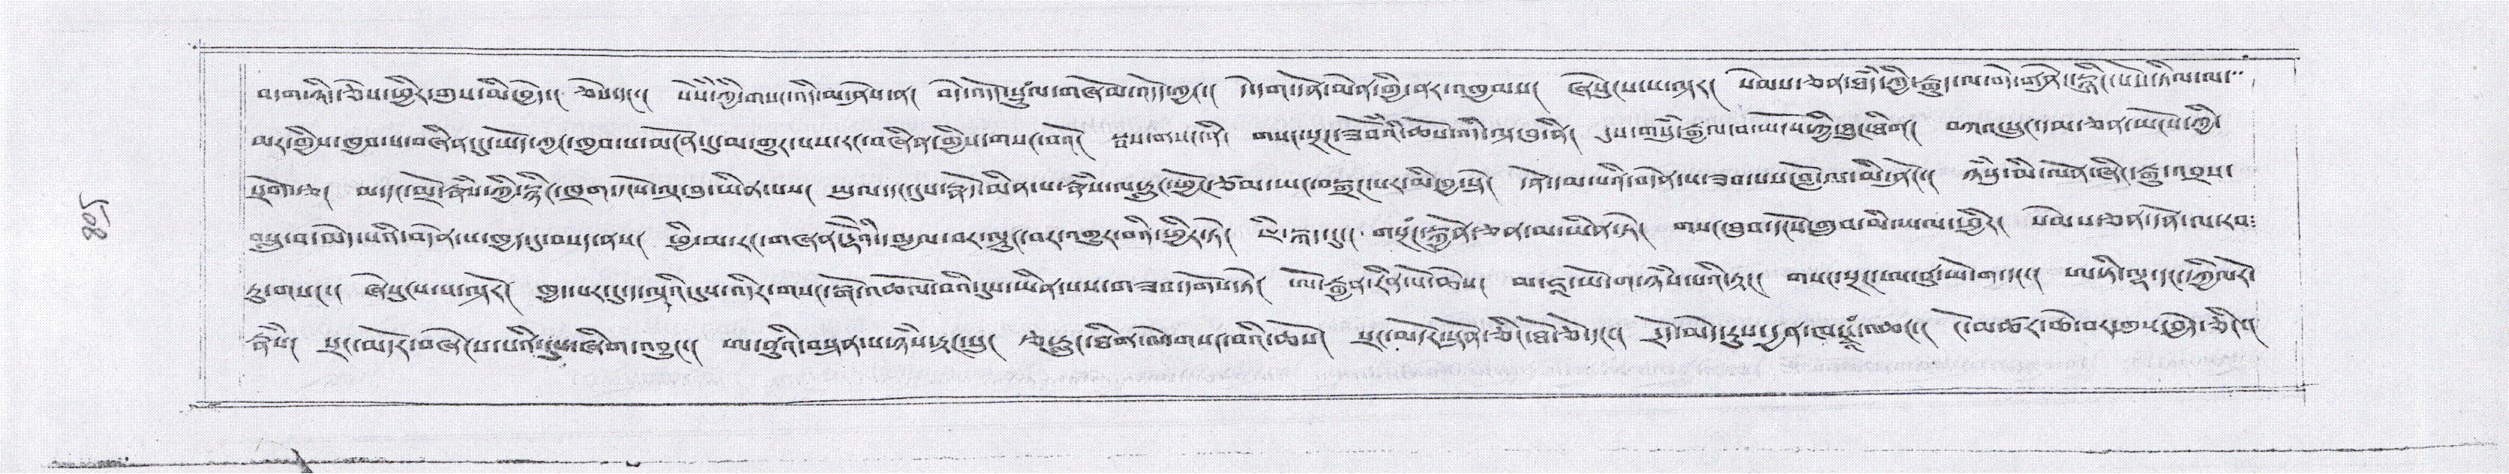བདག་ཉིད་ཅིའི་ཕྱིར་གུས་མི་བྱེད། །ཅེས་དང་། སེམས་ཀྱི་གསང་འདི་མ་ཤེས་ན། །བདེ་འདོད་སྡུག་བསྔལ་གཞོམ་འདོད་ཀྱང་། །དེ་དག་དོན་མེན་གྱི་ནར་འཁྱམས། །ཞེས་གསུངས་པ་ལྟར། སེམས་ཅན་ཐམས་ཅད་ཀྱི་རྒྱུད་ལ་བདེར་གཤེགས་སྙིང་པོ་ཏིལ་ལ་
མར་གྱིས་ཁྱབ་པ་བཞིན་དུ་ཡོད་ཀྱང་ཁྱབ་པ་མངོན་དུ་མ་གྱུར་པས་རང་བཞིན་གྱིས་གསང་བའོ། །སྦས་གསང་ནི། གསང་སྔགས་ཟབ་མོའི་ཆོས་འདི་ལྟ་བུ་ནི། དུས་གསུམ་རྒྱལ་བ་ཡོངས་ཀྱི་ཐུགས་ཐིག བཀའ་སྲུང་དམ་ཅན་ཡོངས་ཀྱི་
སྲོག་རྩ། མ་དང་མཁའ་འགྲོ་རྣམས་ཀྱི་སྙིང་ཁྲག་དངོས་ལྟ་བུ་ཡིན་པས། ཡུལ་དང་དུས་སྣོད་མིན་པ་རྣམས་ལ་རླུང་ཕྱོགས་ཙམ་ཡང་བསྒྲག་པར་མི་བྱ་སྟེ། དོན་དམ་པའི་བདེན་པ་ཟབ་པས་བློ་ལ་མི་ཤོང་། ཉམས་སུ་མི་ལོན་ཞིང་རྒྱུ་འབྲས་
བསླུ་བ་མེད་པའི་བདེན་པ་ཁྱད་དུ་བསད་ནས། ཕྱི་མ་རང་གཞན་རྡོའི་རྗེའི་དམྱལ་བར་ལྟུང་བར་འགྱུར་བའི་ཕྱིར་ཏེ། ཇི་སྐད་དུ། གསང་སྔགས་སྐྱོན་ཅན་མ་ཡིན་ཏེ། །གསང་ཐུབ་དངོས་གྲུབ་མི་ཡལ་ཕྱིར། །སེམས་ཅན་དོན་ལ་རབ་
ཏུ་གསང་། །ཞེས་གསུངས་པ་ལྟར་རོ། །ཁྱད་པར་དུ་ད་ལྟའི་དུས་འདིར་གསང་སྒོ་འཆོལ་བའི་དུས་ཡིན་པས་གཟབ་དགོས་ཏེ། ཨོ་རྒྱན་རིན་པོ་ཆེས། མ་ཧཱ་ཡོ་ག་ཉམས་པའི་རྟགས། །གསང་སྔགས་ཨ་ནུ་ཡོ་ག་དང་། །ཨ་ཏི་ལྷ་དང་དཀྱིལ་འཁོར་
རྣམས་། །སྲང་མདོར་བཞེངས་པའི་དུས་ཤིག་འབྱུང་། །ཨ་ནུའི་བསྟན་པ་ཉམས་རྟགས་སུ། །རྩ་རླུང་ཐིག་ལེ་གསང་བའི་ཆོས། །སྲང་མདོར་སྟོན་ཅིང་ཐོ་ཅོ་དང་། །དྲོད་མེད་རུས་རྒྱན་ཁ་ཊཾ་འཆང་། །ངོ་མཚར་ཆེ་བར་གུས་བྱེད་ཅིང་། །